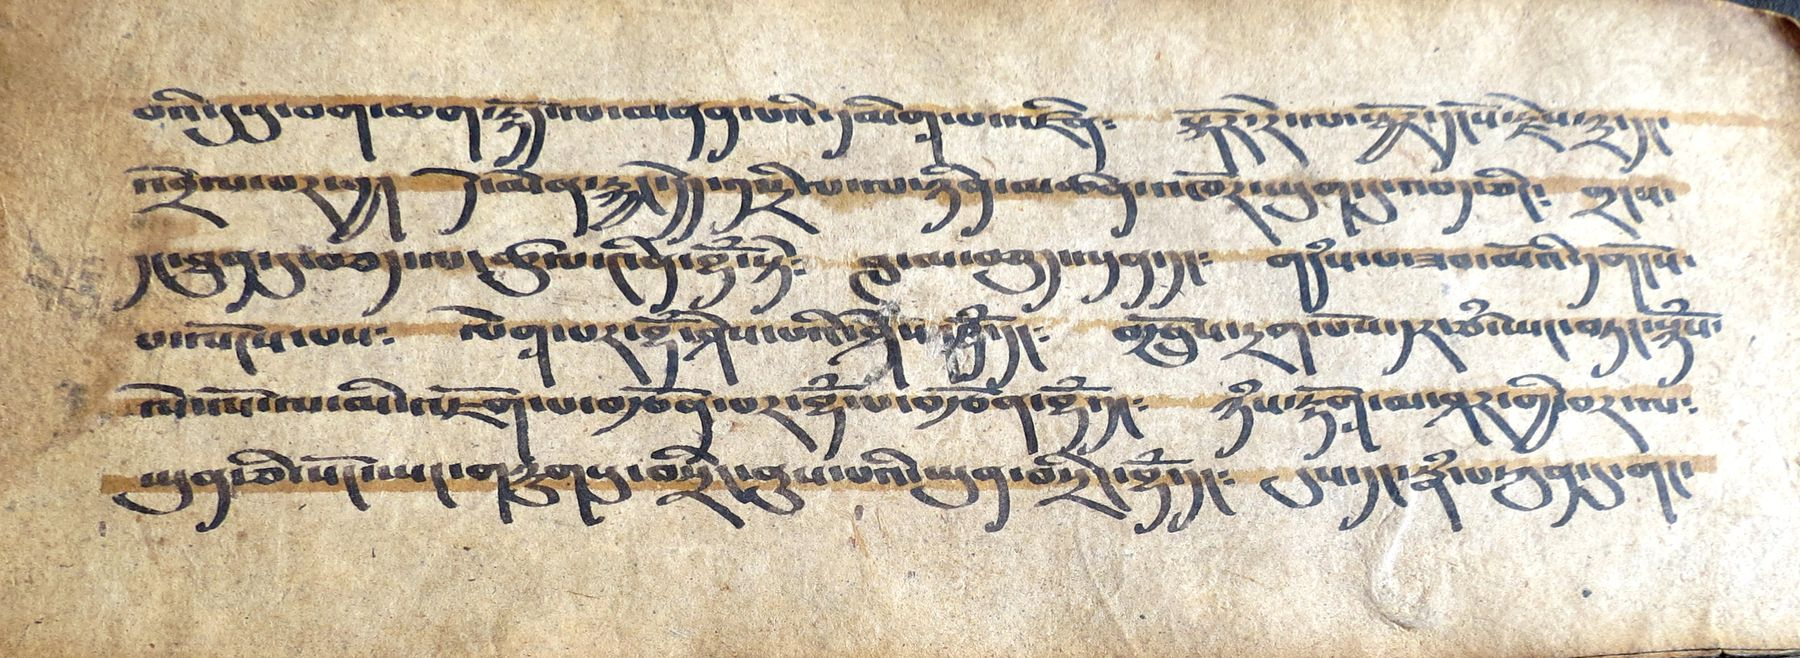བའི་དུས་སུ་བག་ཆགས་རྟོད་ལ་གནོན་པའི་དམིགས་པ་འཛིན། སྐོར་རེ་ལ་སྦྱོར་དངོས་རྗེས་གསུམ་གྱི་
འབྲེལ་བར་བྱ། དེ་མིན་རྐྱང་དེད་གཅིག་དྲིལ་ལ་ཉིན་མཚན་ཁོར་ཡུག་ཏུ་འབད་ཅིང་། གྲངས་
དང་ཐུན་དུ་བཅད་ལ་ཚུལ་བཞིན་སྒོམ་སྟེ། བླ་མ་བཅུད་ལྡན་དང་། གདམས་པ་ཟབ་མོའི་དགོངས་
པ་ལོན་པས་ ལེགས་པར་སྒོམ་ཤེས་པའི་ཤེས་སྒོམ་དང་། བརྩོན་འགྲུས་དྲག་པོ་དར་ཙམ་ཡང་བཏང་སྙོམས་
ལེ་ལོ་ལ་མི་འཇོག་པར་བརྩོན་པར་སྒོམ་པའི་བརྩོན་སྒོམ་དང་། ཉམས་རྟོགས་མ་ཤར་གྱི་བར་ལ་
ཡུན་ཅི་སོང་ཡང་སྙུག་བསྲིང་ནུས་པའི་ཡུན་བསྲིང་སྒོམ་དང་། དུས་དང་རྣམ་པ་ཀུན་ཏུ་གང་